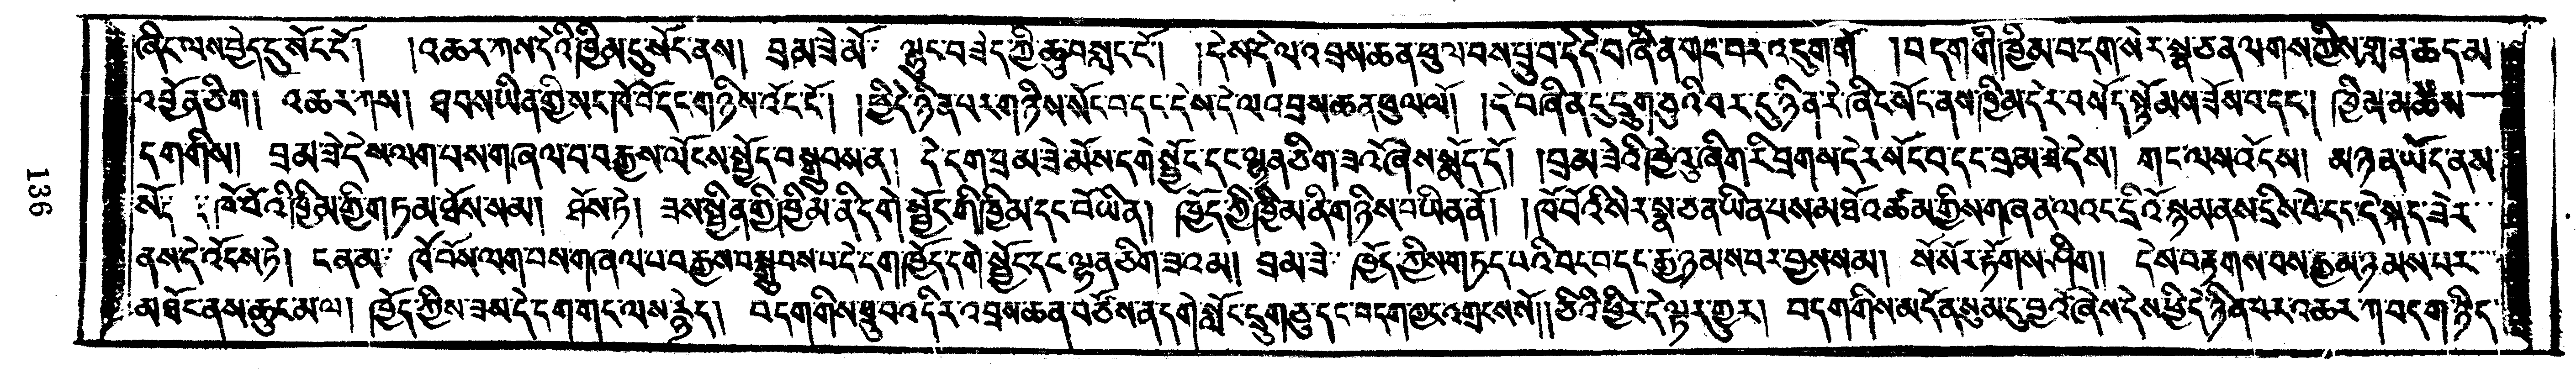ཞིང་ལས་བྱེད་དུ་སོང་ངོ། །འཆར་ཀས་དེའི་ཁྱིམ་དུ་སོང་ནས། བྲམ་ཟེ་མོ༑ ལྷུང་བཟེད་ཀྱི་ཆུ་བསླང་ངོ། །དེས་དེ་ལ་འབྲས་ཆན་ཕུལ་བས་པྲུ་བ་དེ་དེ་བཞིན་གང་བར་འདུག་གོ །བདག་གི་ཁྱིམ་བདག་སེར་སྣ་ཅན་ལགས་ཀྱིས་གླན་ཆད་མ་
འབྱོན་ཅིག། འཆར་ཀས། ཐབས་ཡིན་གྱི་སང་ཁོ་བོ་དང་གཉིས་འོང་ངོ། །ཕྱི་དེ་ཉིན་པར་གཉིས་སོང་བ་དང་དེས་དེ་ལ་འབྲས་ཆན་ཕུལ་ལོ། །དེ་བཞིན་དུ་དྲུག་ཅུའི་བར་དུ་ཉིན་རེ་ཞིང་སོང་ནས་ཁྱིམ་དེར་བསོད་སྙོམས་ཟོས་པ་དང་། ཁྱིམ་མཚེས་
དག་གིས། བྲམ་ཟེ་དེས་ལག་པས་གཞལ་བ་བརྒྱས་ལོངས་སྤྱོད་བསྒྲུབས་ན། དེ་དག་བྲམ་ཟེ་མོས་དགེ་སྦྱོང་དང་ལྷན་ཅིག་ཟའོ་ཞེས་སྨོད་དོ། །བྲམ་ཟེའི་ཁྱེའུ་ཞིག་རི་བྲགས་དེར་སོང་བ་དང་བྲམ་ཟེ་དེས། གང་ལས་འོངས། མཉན་ཡོད་ནས་
སོ༑ ༑ཁོ་བོའི་ཁྱིམ་གྱི་གཏམ་ཐོས་སམ། ཐོས་ཏེ། ཟས་སྦྱིན་གྱི་ཁྱིམ་ནི་དགེ་སྦྱོང་གི་ཁྱིམ་དང་བོ་ཡིན། ཁྱོད་ཀྱི་ཁྱིམ་ནི་གཉིས་པ་ཡིན་ནོ། །ཁོ་བོའི་སེར་སྣ་ཅན་ཡིན་པས་མཐོ་འཚམ་གྱིས་གཞན་ལའང་དྲིའོ་སྙམ་ནས་དྲིས་བེ་དང་དེ་སྐད་ཟེར་
ནས་དེ་འོངས་ཏེ། ངན་མ༑ ཁོ་བོས་ལག་པས་གཞལ་པ་བརྒྱས་བསྒྲུབས་པ་དེ་དག་ཁྱོད་དགེ་སྦྱོང་དང་ལྷན་ཅིག་ཟ་འམ། བྲམ་ཟེ༑ ཁྱོད་ཀྱིས་གཏད་པའི་བང་བ་དང་རྒྱ་ཉམས་པར་བྱས་སམ། སོ་སོར་རྟོགས་ཤིག། དེས་བརྟགས་པས་རྒྱ་མ་ཉམས་པར་
མཐོང་ནས་ཆུང་མ་ལ། ཁྱོད་ཀྱིས་ཟས་དེ་དག་གང་ལས་རྙེད། བདག་གིས་ཕུ་བ་འདིར་འབྲས་ཆན་བཙོས་ན་དགེ་སློང་དྲུག་ཅུ་དང་བདག་ཀྱང་འགྲངས་སོ། །ཅིའི་ཕྱིར་དེ་ལྟར་གྱུར། བདག་གིས་མངོན་སུམ་དུ་བྱའོ་ཞེས་དེས་ཕྱི་དེ་ཉིན་པར་འཆར་ཀ་བདག་ཉིད་